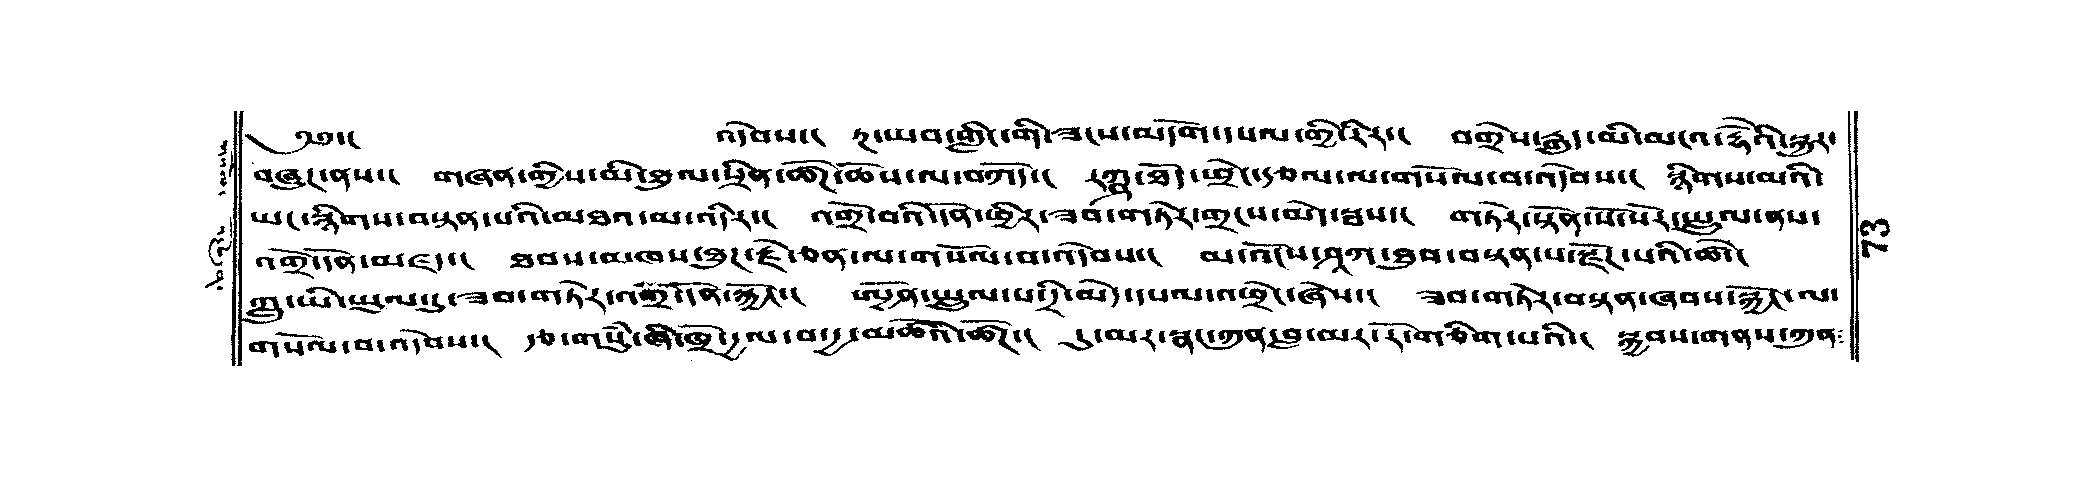འདེབས། །རྔ་ཡབ་གླིང་གི་ཟངས་མདོག་དཔལ་གྱི་རིར། །བགྲེས་རྒུད་མི་མངའ་རྡོ་རྗེའི་སྐུར་
བཞུགས་ནས། །གཞན་གྱིས་མི་ཐུབ་སྲིན་ཚོགས་ཆོས་ལ་བཀོད། །རཀྵ་ཐོད་ཕྲེང་རྩལ་ལ་གསོལ་བ་འདེབས། །སྙིགས་མའི་
ཡང་སྙིགས་བསྟན་པའི་མཐའ་མ་འདིར། །འགྲོ་བའི་དོན་ཕྱིར་ཟབ་གཏེར་གྲངས་མེད་སྦས། །གཏེར་སྟོན་སོ་སོར་སྤྲུལ་ནས་
འགྲོ་དོན་མཛད། །ཐབས་མཁས་ཐུགས་རྗེ་ཅན་ལ་གསོལ་བ་འདེབས། །མ་འོངས་ཤཱཀ་ཐུབ་བསྟན་པ་རྫོགས་པའི་ཚེ། །
ཀླུ་ཡི་ཡུལ་དུ་ཟབ་གཏེར་འགྲོ་དོན་སྐྱོང་། །ཨོ་རྒྱན་སྤྲུལ་པ་དྲི་མེད་དཔལ་འཕྲེང་ཞེས། །ཟབ་གཏེར་བསྟན་ཞབས་སྐྱོང་ལ་
གསོལ་བ་འདེབས། །རྩ་གསུམ་ཞི་ཁྲོ་རྒྱལ་བ་རྒྱ་མཚོའི་ཚོགས། །དུ་མར་སྣང་ཀུན་བླ་མར་རོ་གཅིག་པའི། །སྐྱབས་གནས་ཀུན་